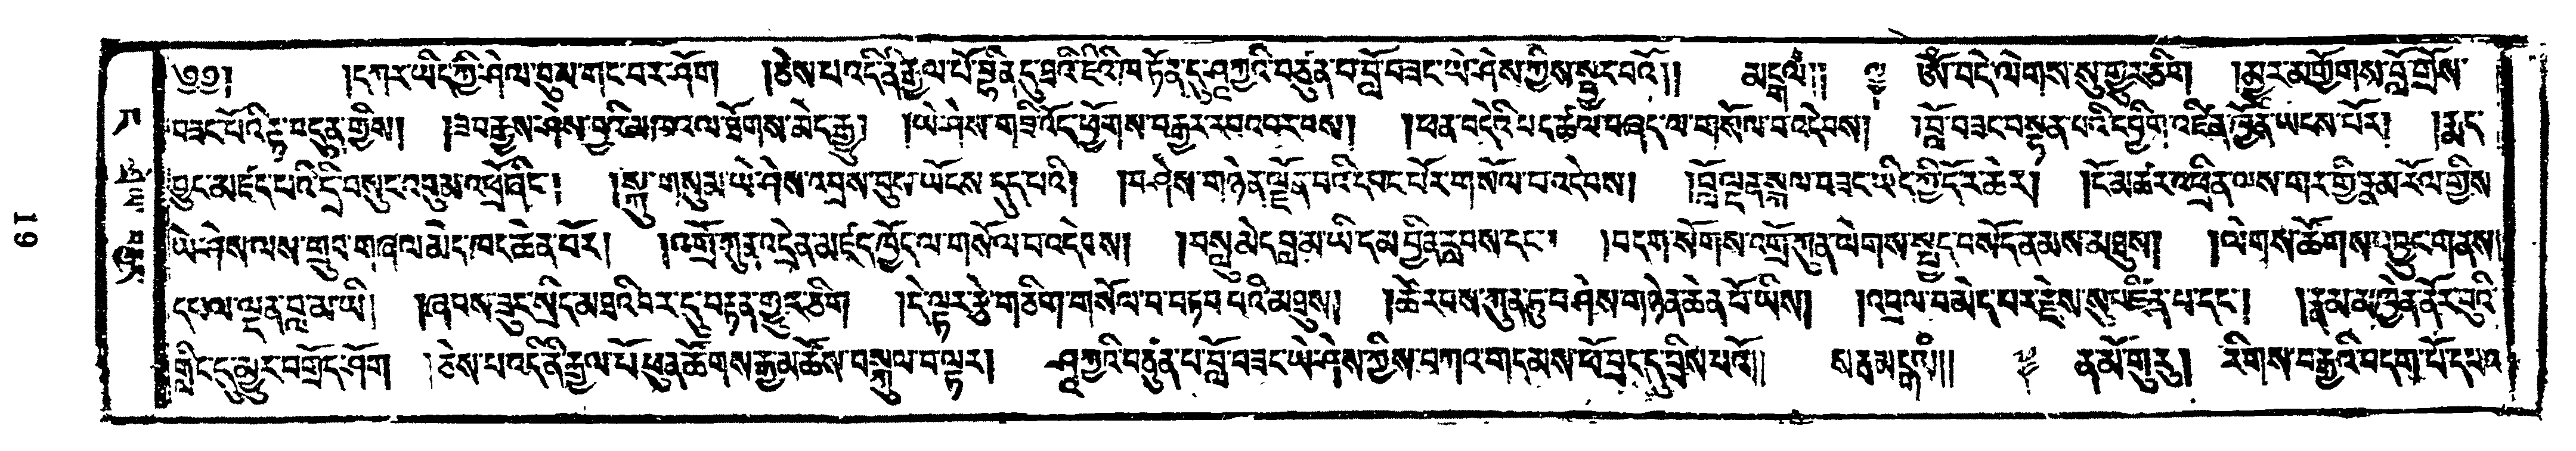༄༅། །དཀར་ཡིད་ཀྱི་ཤེལ་བུམ་གང་བར་ཤོག །ཅེས་པ་འདི་ནི་རྒྱལ་པོ་བཞིན་དུ་ཐའི་ཇིའི་ཁ་ཏོན་དུ་ཤཱཀྱའི་བཙུན་བ་བློ་བཟང་ཡེ་ཤེས་ཀྱིས་སྦྱར་བའོ།། མངྒལཾ།། ༈ ཨོཾ་བདེ་ལེགས་སུ་གྱུར་ཅིག། །མྱུར་མགྱོགས་བློ་གྲོས་
བཟང་པོའི་རྟ་བདུན་གྱིས། །ཟབ་རྒྱས་ཤེས་བྱའི་མཁའ་ལ་ཐོགས་མེད་རྒྱུ། །ཡེ་ཤེས་གཟི་འོད་ཕྱོགས་བརྒྱར་རབ་འབར་བས། །ཕན་བདེའི་པད་ཚལ་བཞད་ལ་གསོལ་བ་འདེབས། །བློ་བཟང་བསྟན་པའི་དབྱིག་འཛིན་ཁྱོན་ཡངས་པོར། །རྨད་
བྱུང་མཛད་པའི་དྲི་བསུང་འབུམ་འཕྲོ་ཞིང་། །སྐུ་གསུམ་ཡེ་ཤེས་འབྲས་བུས་ཡོངས་དུད་པའི། །བཤེས་གཉེན་ལྗོན་པའི་དབང་པོར་གསོལ་བ་འདེབས། །བློ་ལྡན་སྐལ་བཟང་ཡིད་ཀྱི་དོར་ཆེར། །ངོ་མཚར་འཕྲིན་ལས་གར་གྱི་རྣམ་རོལ་གྱིས་
ཡེ་ཤེས་ལས་གྲུབ་གཞལ་མེད་ཁང་ཆེན་བོར། །འགྲོ་ཀུན་འདྲེན་མཛད་ཁྱོད་ལ་གསོལ་བ་འདེབས། །བསླུ་མེད་བླ་མ་ཡི་དམ་བྱིན་རླབས་དང་། །བདག་སོགས་འགྲོ་ཀུན་ལེགས་སྤྱད་བསོད་ནམས་མཐུས། །ལེགས་ཚོགས་འབྱུང་གནས།
དཔལ་ལྡན་བླ་མ་ཡི། །ཞབས་ཟུང་སྲིད་མཐའི་བར་དུ་བརྟན་གྱུར་ཅིག། །དེ་ལྟར་རྩེ་གཅིག་གསོལ་བ་བཏབ་པའི་མཐུས། །ཚེ་རབས་ཀུན་ཏུ་བཤེས་གཉེན་ཆེན་པོ་ཡིས། །འབྲལ་བ་མེད་པར་རྗེས་སུ་འཛིན་པ་དང་། །རྣམ་མཁྱེན་ནོར་བུའི་
གླིང་དུ་མྱུར་བགྲོད་ཤོག །ཅེས་པ་འདི་ནི་རྒྱལ་པོ་ཕུན་ཚོགས་རྒྱ་མཚོས་བསྐུལ་བ་ལྟར། ཤཱཀྱའི་བཙུན་པ་བློ་བཟང་ཡེ་ཤེས་ཀྱིས་བཀའ་གདམས་ཕོ་བྲང་དུ་བྲིས་པའོ།། སརྦ་མངྒལཾ།། ༈ ན་མོ་གུ་རུ། རིགས་བརྒྱའི་བདག་པོ་དཔའ་